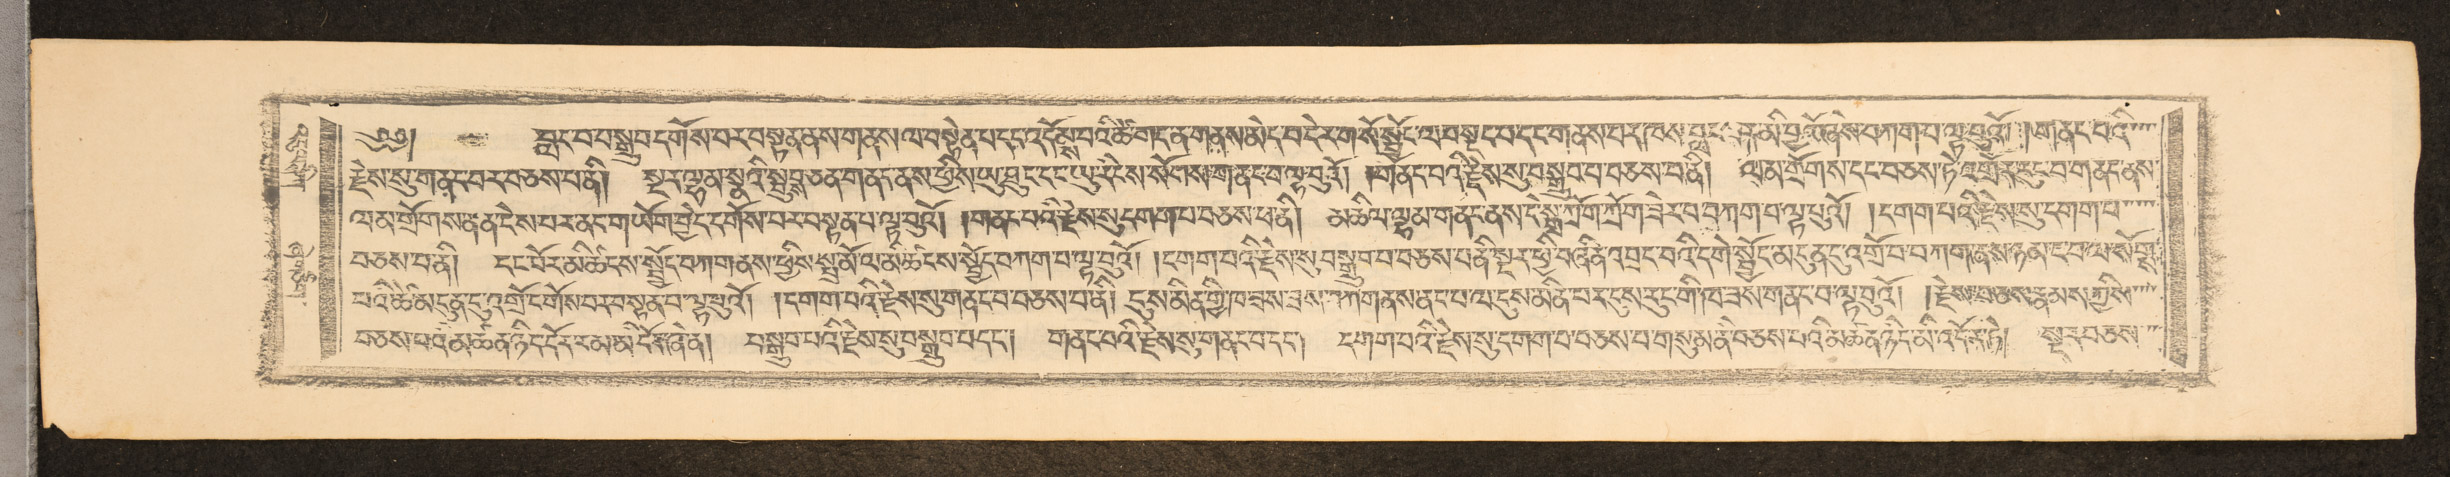༄༅། །བླང་བ་བསྒྲུབ་དགོས་པར་བསྟན་ནས་གནས་ལ་བསྟེན་པ་དང་འདོམས་པའི་ཚེ་གང་ན་གནས་མེད་པ་དེར་གསོ་སྦྱོང་ལ་བསྔད་པ་དང་གནས་པར་ཁས་བླང་བར་མི་བྱའོ་ཞེས་བཀག་པ་ལྟ་བུའོ། །གནང་བའི་
རྗེས་སུ་གནང་བར་བཅས་པ་ནི། སྔར་ལྷམ་སྣའི་སྦུབས་ཅན་གནང་ནས་ཕྱིས་ཡུ་ཐུང་དང་ཡུ་རིངས་སོགས་གནང་བ་ལྟ་བུའོ། །གནང་བའི་རྗེས་སུ་བསྒྲུབ་པ་བཅས་པ་ནི། ལམ་གྲོགས་དང་བཅས་ཏེ་འགྲོར་རུང་བ་གནང་ནས་
ལམ་གྲོགས་ན་ན་ངེས་པར་ནད་གཡོག་བྱེད་དགོས་པར་བསྟན་པ་ལྟ་བུའོ། །གནང་བའི་རྗེས་སུ་དགག་པ་བཅས་པ་ནི། མཆིལ་ལྷམ་གནང་ནས་དེ་སྒྲ་ཀྲོག་ཀྲོག་ཟེར་བ་བཀག་པ་ལྟ་བུའོ། །དགག་པའི་རྗེས་སུ་དགག་པ་
བཅས་པ་ནི། དང་པོར་མི་ཚངས་སྤྱོད་བཀག་ནས་ཕྱིས་སྤྲ་མོ་ལ་མི་ཚངས་སྦྱོད་བཀག་པ་ལྟ་བུའོ། །དགག་པའི་རྗེས་སུ་བསྒྲུབ་པ་བཅས་པ་ནི་སྔར་ཕྱི་བཞིན་འབྲང་བའི་དགེ་སྦྱོང་མདུན་དུ་འགྲོ་བ་བཀག་ནས་ཉམ་ང་བ་ལ་སོགས་
པའི་ཚེ་མདུན་དུ་འགྲོ་དགོས་པར་བསྟན་པ་ལྟ་བུའོ། །དགག་པའི་རྗེས་སུ་གནང་བ་བཅས་པ་ནི། དུས་མིན་གྱི་ཁ་ཟས་ཟ་བ་བཀག་ནས་ནད་པ་ལ་དུས་མིན་པར་དུས་རུང་གི་ཁ་ཟས་གནང་བ་ལྟ་བུའོ། །རྗེས་བཅས་རྣམས་ཀྱིས་
བཅས་པའི་མཚན་ཉིད་དོར་རམ་མི་དོར་ཞེ་ན། བསྒྲུབ་པའི་རྗེས་སུ་བསྒྲུབ་པ་དང་། གནང་བའི་རྗེས་སུ་གནང་བ་དང་། དགག་པའི་རྗེས་སུ་དགག་པ་བཅས་པ་གསུམ་ནི་བཅས་པའི་མཚན་ཉིད་མི་འདོར་ཏེ། སྔར་བཅས་